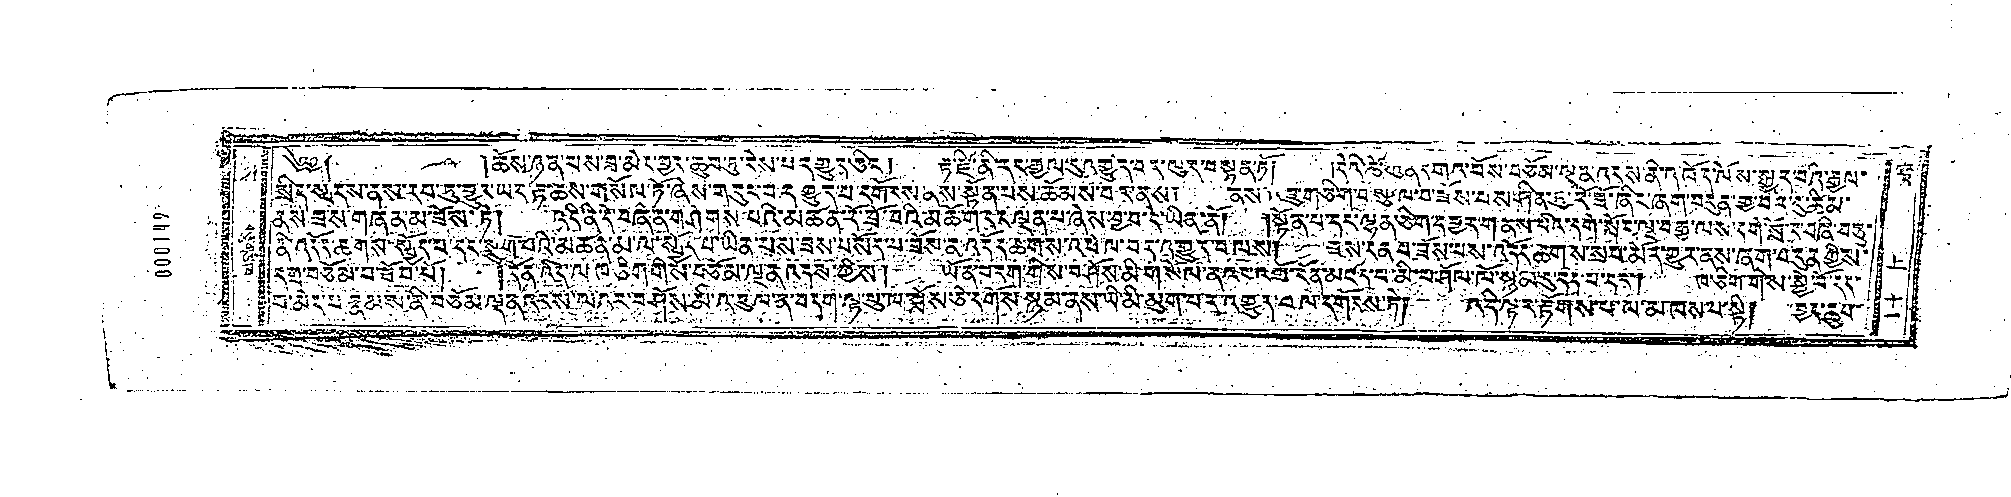༄༅། །ཆོས་ཉན་པས་བླ་མེད་བྱང་ཆུབ་ཏུ་ངེས་པར་གྱུར་ཅིང་། རྟ་རྫི་ནི་རང་རྒྱལ་དུ་འགྱུར་བར་ལུད་བསྟན་ཏོ། །དེའི་ཚེ་ཀུན་དགའ་བོས་བཅོམ་ལྡན་འདས་ནི་འཁོར་ལོས་སྒྱུར་བའི་རྒྱལ་
སྲིད་སྤངས་ནས་རབ་ཏུ་བྱུང་ཡང་རྟ་ཆས་གསོལ་ཏོ་ཞེས་གདུང་བར་གྱུར་པ་དགོངས་ནས་སྟོན་པས་ཆོམས་བར་ནས། ནས་འབྲུ་གཅིག་བསྩལ་བ་ཟོས་པས་ཤིན་ཏུ་རོ་བྲོ་ཞིང་ཞག་བདུན་གྱི་བར་དུ་ཚིམ་
ནས་ཟས་གཞན་མ་ཟོས་ཏེ། འདི་ནི་དེ་བཞིན་གཤེགས་པའི་མཚན་རོ་བྲོ་བའི་མཆོག་དང་ལྡན་པ་ཞེས་བྱ་བ་དེ་ཡིན་ནོ། །སྟོན་པ་དང་ལྷན་ཅིག་དབྱར་གནས་པའི་དགེ་སློང་ལྔ་བརྒྱ་ལས་དགེ་སློང་བཞི་བཅུ་
ནི་འདོད་ཆགས་སྤྱོད་པ་དང་སྡུག་བའི་མཚན་མ་ལ་སྤྱོད་པ་ཡིན་པས་ཟས་བསོད་པ་ཟོས་ན་འདོད་ཆགས་འཕེལ་བར་འགྱུར་བ་ལས། ཟས་ངན་པ་ཟོས་པས་འདོད་ཆགས་སྲབ་མོར་གྱུར་ནས་ཞག་བདུན་གྱིས་
དགྲ་བཅོམ་པ་ཐོབ་པོ། །དོན་འདི་ལ་ཁ་ཅིག་གིས་བཅོམ་ལྡན་འདས་ཀྱིས། ཡོན་བདག་གིས་བཤོས་མི་གསོལ་ནའང་འགྲོ་དོན་མཛད་བ་མི་བཤོལ་ལོ་སྙམ་དུ་དད་པ་དང་། ཁ་ཅིག་གིས་སྐྱེ་བོ་དང་
བ་མེད་པ་རྣམས་ནི་བཅོམ་ལྡན་འདས་ལའང་བཤོས་མི་འབུལ་ན་བདག་ལྟ་བུ་ལ་སྨོས་ཅི་དགོས་སྙམ་ནས་ཡི་མི་མུག་པར་འགྱུར་བ་ལ་དགོངས་ཏེ། འདི་ལྟར་རྟོགས་པ་ལ་མཁས་པ་སྟེ། བྱང་ཆུབ་